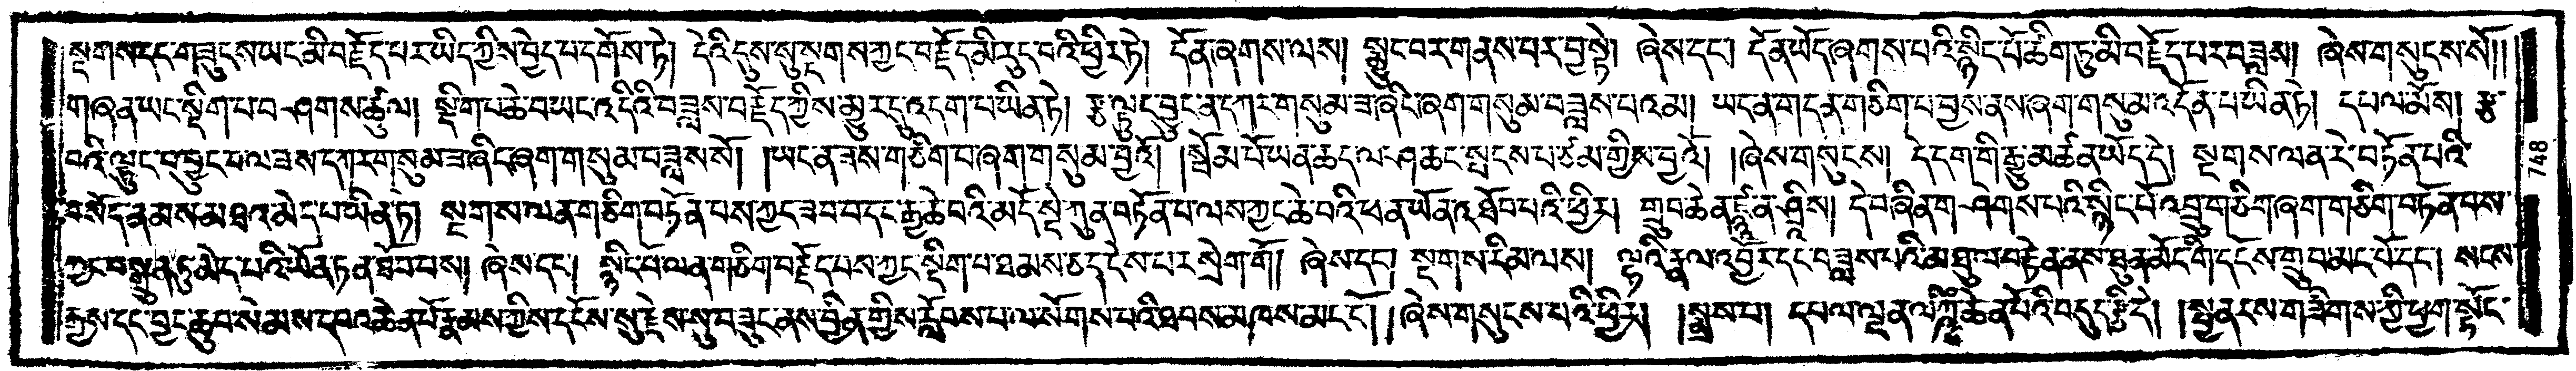སྔགས་དང་གཟུངས་ཡང་མི་བརྗོད་པར་ཡིད་ཀྱིས་བྱེད་པ་དགོས་ཏེ། དེའི་དུས་སུ་སྔགས་ཀྱང་བརྗོད་མི་རུང་བའི་ཕྱིར་ཏེ། དོན་ཞགས་ལས། སྨྱུང་བར་གནས་པར་བྱ་སྟེ། ཞེས་དང་། དོན་ཡོད་ཞགས་པའི་སྙིང་པོ་ཚིག་ཏུ་མི་བརྗོད་པར་བཟླས། ཞེས་གསུངས་སོ། །
གཞན་ཡང་སྡིག་པ་བཤགས་ཚུལ། སྡིག་པ་ཆེ་བ་ཡང་འདིའི་བཟླས་བརྗོད་ཀྱིས་མྱུར་དུ་འདག་པ་ཡིན་ཏེ། རྩ་ལྟུང་བྱུང་ན་དཀར་གསུམ་ཟ་ཞིང་ཞག་གསུམ་བཟླས་པའམ། ཡང་ན་གདན་གཅིག་པ་བྱས་ནས་ཞག་གསུམ་འདོན་པ་ཡིན་ཏེ། དཔལ་མོས། རྩ་
པའི་ལྟུང་བ་བྱུང་བ་ལ་ཟས་དཀར་གསུམ་ཟ་ཞིང་ཞག་གསུམ་བཟླས་སོ། །ཡང་ན་ཟས་གཅིག་པ་ཞག་གསུམ་བྱའོ། །སྦོམ་པོ་ཡན་ཆད་ལ་ཤ་ཆང་སྤངས་པ་ཙམ་གྱིས་བྱའོ། །ཞེས་གསུངས། དེ་དག་གི་རྒྱུ་མཚན་ཡོད་དེ། སྔགས་ལན་རེ་བཏོན་པའི་
བསོད་ནམས་མཐའ་མེད་པ་ཡིན་ཏེ། སྔགས་ལན་གཅིག་བཏོན་པས་ཀྱང་ཟབ་པ་དང་རྒྱ་ཆེ་བའི་མདོ་སྡེ་ཀུན་བཏོན་པ་ལས་ཀྱང་ཆེ་བའི་ཕན་ཡོན་འཐོབ་པའི་ཕྱིར། གྲུབ་ཆེན་ཛྙཱ་ན་ཤྲཱིས། དེ་བཞིན་གཤེགས་པའི་སྙིང་པོ་འབྲུ་གཅིག་ཞག་གཅིག་བཏོན་པས་
ཀྱང་བསྒྲུན་ཏུ་མེད་པའི་ཡོན་ཏན་ཐོབ་པས། ཞེས་དང་། སྙིང་པོ་ལན་གཅིག་བརྗོད་པས་ཀྱང་སྡིག་པ་ཐམས་ཅད་དེས་པར་སྲེག་གོ། ཞེས་དང་། སྔགས་རིམ་ལས། ལྷའི་རྣལ་འབྱོར་དང་བཟླས་པའི་མཐུ་ལ་བརྟེན་ནས་ཐུན་མོང་གི་དངོས་གྲུབ་མང་པོ་དང་། སངས་
རྒྱས་དང་བྱང་ཆུབ་སེམས་དཔའ་ཆེན་པོ་རྣམས་ཀྱིས་དངོས་སུ་རྗེས་སུ་བཟུང་ནས་བྱིན་གྱིས་རློབས་པ་ལ་སོགས་པའི་ཐབས་མཁས་མང་ངོ། །ཞེས་གསུངས་པའི་ཕྱིར། །སྨྲས་པ། དཔལ་ལྡན་ལཀྵྲིཾ་ཆེན་པོའི་བདུད་རྩི་དེ། །སྤྱན་རས་གཟིགས་ཀྱི་ཕྱག་སྟོང་